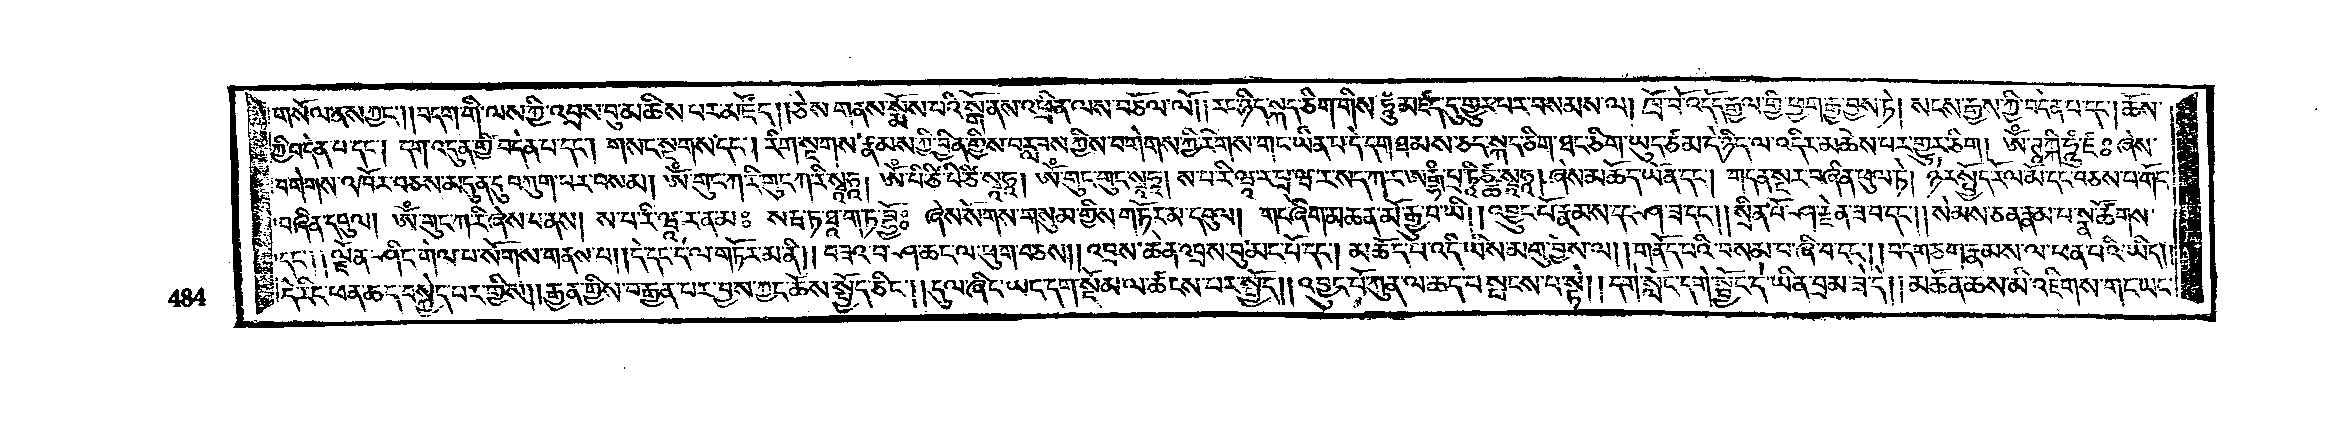བགེགས་འཁོར་བཅས་མདུན་དུ་བཀུག་པར་བསམ། ཨོཾ་གུང་ཀ་རི་གུང་ཀ་རི་སྭཱ་ཧཱ། ཨོཾ་པི་ཙི་པི་ཙི་སྭཱ་ཧཱ། ཨོཾ་གུང་གུང་སྭཱ་ཧཱ། ས་པ་རི་ཝཱ་ར་པྲ་ཝ་ར་སད་ཀ་ར་ཨརྒྷཾ་པྲ་ཏཱི་ཙྪ་སྭཱ་ཧཱ། ཞེས་མཆོད་ཡོན་དང་། གདན་སྔར་བཞིན་ཕུལ་ཏེ། ཉེར་སྤྱོད་རོལ་མོ་དང་བཅས་པ་གོང་
བཞིན་དབུལ། ཨོཾ་གུང་ཀ་རི་ཞེས་པ་ནས། ས་པ་རི་ཝཱ་ར་ན་མ་H སརྦ་ཏ་ཐཱ་ག་ཏ་བྷྱོ་H ཞེས་སོགས་གསུམ་གྱིས་གཏོར་མ་དབུལ། གང་ཞིག་མཚན་མོ་རྒྱུ་བ་ཡི། །འབྱུང་པོ་རྣམས་དང་ཤ་ཟ་དང་། །སྲིན་པོ་ཤ་རྗེན་ཟ་བ་དང་། །སེམས་ཅན་རྣམ་པ་སྣ་ཚོགས་
དང་། །ལྗོན་ཤིང་གེལ་པ་སོགས་གནས་པ། །དེ་དང་དེ་ལ་གཏོར་མ་ནི། །བཟའ་བ་ཤ་ཆང་ལ་ཕུག་བཅས། །འབྲས་ཆན་འབྲས་བུ་མང་པོ་དང་། མཆོད་པ་འདི་ཡིས་མགུ་བྱེས་ལ། །གནོད་པའི་བསམ་པ་ཞི་བ་དང་། །བདག་ཅག་རྣམས་ལ་ཕན་པའི་ཡིད། །
དེ་རིང་ཕན་ཆད་བསྐྱེད་པར་གྱིས། །རྒྱན་གྱིས་བརྒྱན་པར་བྱས་ཀྱང་ཆོས་སྤྱོད་ཅིང་། །དུལ་ཞིང་ཡང་དག་སྡོམ་ལ་ཚངས་པར་སྤྱོད། །འབྱུང་པོ་ཀུན་ལ་ཆད་པ་སྤངས་པ་སྟེ། །དགེ་སློང་དགེ་སྦྱོང་དེ་ཡིན་བྲམ་ཟེ་དེ། །མཚོན་ཆས་མི་འཇིགས་ཨང་། །སེམས་ཅན་རྣམ་པ་སྣ་ཚོགས་
དང་། །ལྗོན་ཤིང་གེལ་པ་སོགས་གནས་པ། །དེ་དང་དེ་ལ་གཏོར་མ་ནི། །བཟའ་བ་ཤ་ཆང་ལ་ཕུག་བཅས། །འབྲས་ཆན་འབྲས་བུ་མང་པོ་དང་། མཆོད་པ་འདི་ཡིས་མགུ་བྱེས་ལ། །གནོད་པའི་བསམ་པ་ཞི་བ་དང་། །བདག་ཅག་རྣམས་ལ་ཕན་པའི་ཡིད། །
དེ་རིང་ཕན་ཆད་བསྐྱེད་པར་གྱིས། །རྒྱན་གྱིས་བརྒྱན་པར་བྱས་ཀྱང་ཆོས་སྤྱོད་ཅིང་། །དུལ་ཞིང་ཡང་དག་སྡོམ་ལ་ཚངས་པར་སྤྱོད། །འབྱུང་པོ་ཀུན་ལ་ཆད་པ་སྤངས་པ་སྟེ། །དགེ་སློང་དགེ་སྦྱོང་དེ་ཡིན་བྲམ་ཟེ་དེ། །མཚོན་ཆས་མི་འཇིགས་གང་ཡང་